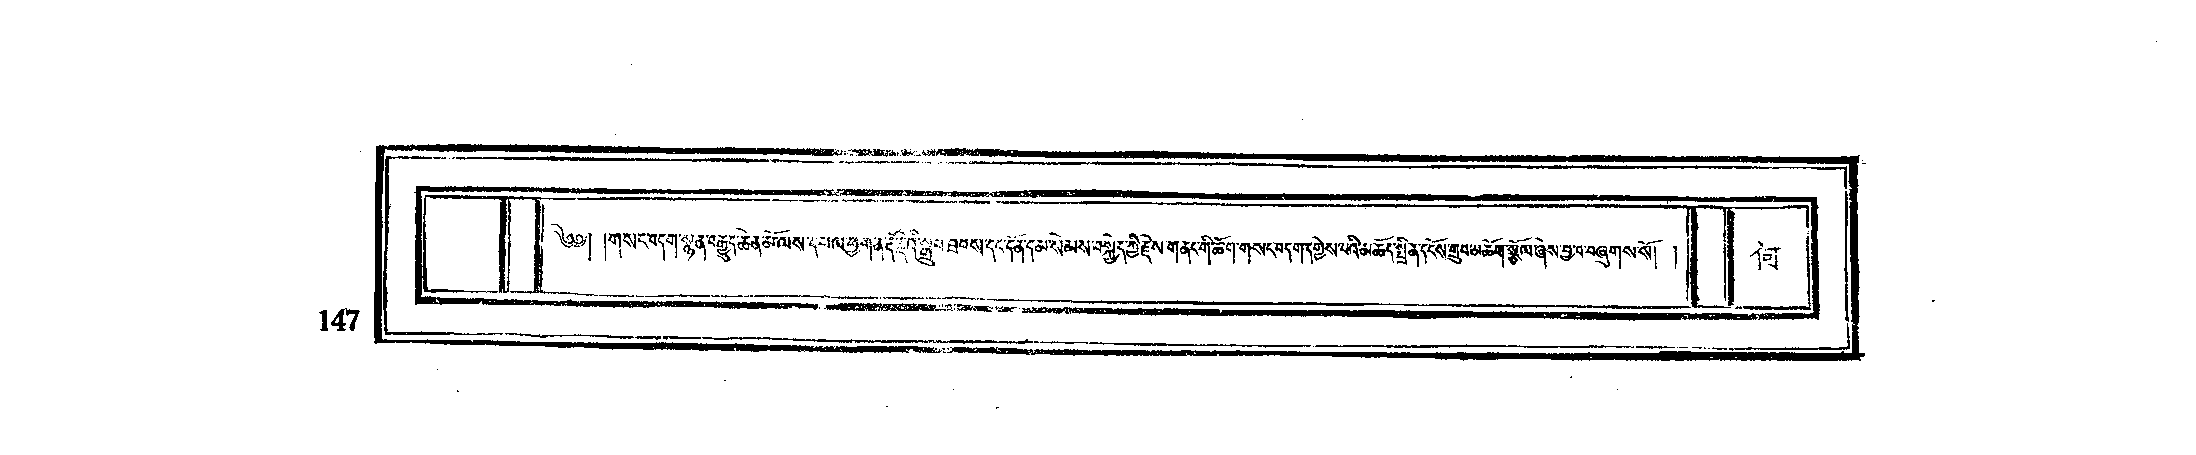༄༅། །གསང་བདག་སྙན་བརྒྱུད་ཆེན་མོ་ལས་དཔལ་ཕྱག་ན་རྡོ་རྗེའི་སྒྲུབ་ཐབས་དང་དོན་དམ་སེམས་བསྐྱེད་ཀྱི་རྗེས་གནང་གི་ཆོ་ག་གསང་བདག་དགྱེས་པའི་མཆོད་སྤྲིན་དངོས་གྲུབ་མཆོག་སྩོལ་ཞེས་བྱ་བ་བཞུགས་སོ། །